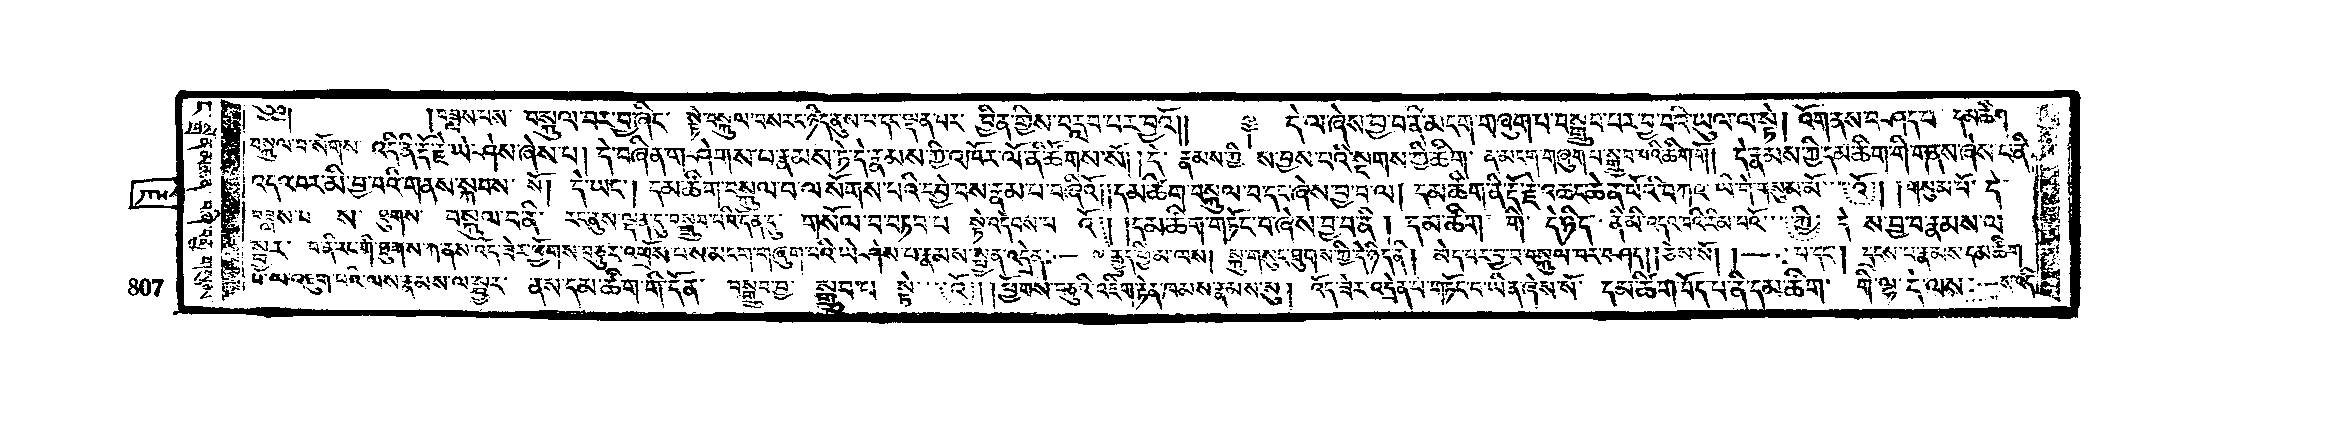༄༅། །བཟླས་པས་བསྐུལ་བར་བྱ་ཞིང་སྟེ་བསྐུལ་བས་རང་ཉིད་ནུས་པ་དང་ལྡན་པར་བྱིན་གྱིས་བརླབ་པར་བྱའོ།། ༈ དེ་ལ་ཞེས་བྱ་བ་ནི་མངག་གཞུག་པ་བསྒྲུབ་པར་བྱ་བའི་ཡུལ་ལ་སྟེ། འོག་ནས་བཤད་པ་དམ་ཚིག་
བསྐུལ་བ་སོགས་འདི་ནི་རྡོ་རྗེ་ཡེ་ཤེས་ཞེས་པ། དེ་བཞིན་གཤེགས་པ་རྣམས་ཏེ་དེ་རྣམས་ཀྱི་འཁོར་ལོ་ནི་ཚོགས་སོ། །དེ་རྣམས་ཀྱིས་བྱས་པའི་སྔགས་ཀྱི་ཚིག་ནི་མངག་བཞུག་པ་སྒྲུབ་པའི་ཚིག་གོ །  དེ་རྣམས་ཀྱི་དམ་ཚིག་གི་གནས་ཞེས་པ་ནི།
འདའ་བར་མི་བྱ་བའི་གནས་སྐབས་སོ།  དེ་ཡང་། དམ་ཚིག་བསྐུལ་བ་ལ་སོགས་པའི་དབྱེ་བས་རྣམ་པ་བཞིའོ། །དམ་ཚིག་བསྐུལ་བ་དང་ཞེས་བྱ་བ་ལ། དམ་ཚིག་ནི་རྡོ་རྗེ་འཆང་ཆེན་པོའི་བཀའ་ཡི་གེ་གསུམ་མོ་འོ། ། གསུམ་པོ་དེ་
བཟླས་པ་ས་ཐུགས་བསྐུལ་བ་ནི་རང་ནུས་ལྡན་དུ་བསྒྲུབ་པའི་དོན་དུ་གསོལ་བ་བཏབ་པ་སྟེ་འདེབས་པའོ། །དམ་ཚིག་གཏོང་བ་ཞེས་བྱ་བ་ནི། དམ་ཚིག་གི་དེ་ཉིད་ནི་མི་འདའ་བའི་རིམ་པའོ་ཀྱི་དེ་ས་བྱ་བ་རྣམས་ལ་
སྦྱར་བ་ནི་རང་གི་ཐུགས་ཀ་ནས་འོད་ཟེར་ཕྱོགས་བཅུར་འཕྲོས་པས་མངག་གཞུག་པའི་ཡེ་ཤེས་པ་རྣམས་སྤྱན་འདྲེནཿ་༧་རྒྱུད་ཕྱི་མ་ལས། སྐུ་གསུང་ཐུགས་ཀྱི་དེ་ཉིད་ནི། མེད་པར་བྱ་བ་བསྐུལ་བར་བཤད། །ཅེས་སོ། །.H པ་དང་། དྲངས་པ་རྣམས་དམ་ཚིག་
པ་ལ་འཇུག་པའི་ལས་རྣམས་ལ་སྦྱར་ནས་དམ་ཚིག་གི་དོན་བསྒྲུབ་བྱ་སྒྲུབ་པ་སྟེ་འོ། ། ཕྱོགས་བཅུའི་འཇིག་རྟེན་ཁམས་རྣམས་སུ། འོད་ཟེར་འདྲེན་པ་གཏོང་བ་ཡིན་ཞེས་སོ་དམ་ཚིག་བོད་པ་ནི་དམ་ཚིག་གི་ལྷ་དེ་ལས་H ས་འདི་